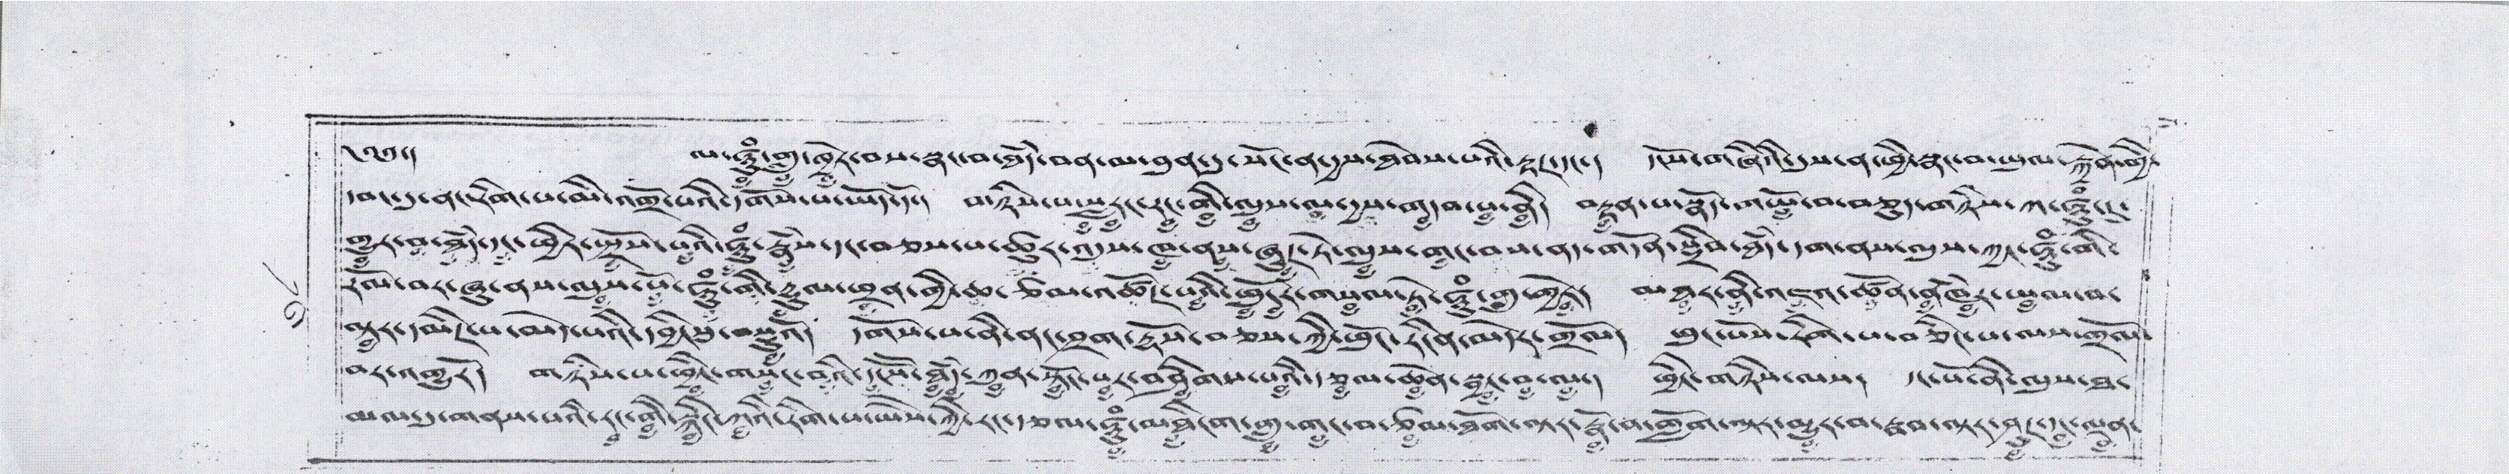ལ་ཧཱུཾ་གླུ་གྱེར་བས་སྣང་བ་ཐམས་ཅད་བན་མ་བུན་དུ་སོང་ན་རྒྱས་ཐེབས་པའི་རྟགས་དང་། དངོས་གཞིའི་དུས་ན་ཕྱི་སྣང་བ་ཡུལ་རྐྱེན་གྱི་
དབང་དུ་ནང་རིག་པ་མི་འགྲོ་བའི་དགོས་པ་ཡོད་དོ། གཉིས་པ་སླར་ཡང་རང་གི་ལུས་ལ་རྒྱས་གདབ་པ་ནི། བརྟན་པ་སྣོད་གཡོ་བ་བཅུད་གཉིས་ཀ་ཧཱུཾ་དུ་
གྱུར་པ་ཐམས་ཅད་དང་སྤྲོས་པའི་ཧཱུཾ་རྣམས་དང་བཅས་པ་ཚུར་འདུས་ཁ་ནས་ཞུགས་ཏེ་ལུས་གང་བས་ནད་གདོན་སྡིག་སྒྲིབ་ཐམས་ཅད་དག་ནས་ལུས་ཀྱང་ཧཱུཾ་གི་
རོལ་པར་ཞུ་ནས་ལུས་པོ་ཧཱུཾ་གི་རྡུལ་ཕྲན་གྱི་ཆ་ཙམ་འཚོགས་པའི་ཕུང་པོར་གསལ་ཏེ་ཧཱུཾ་གླུ་གྱེར། མཐར་ནི་འཇའ་ཚོན་ནམ་མཁར་ཡལ་བ་
ལྟར་དམིགས་པ་མེད་པའི་དབྱིངས་སུ་བསྡུའོ། དགོས་པ་ནི་ནང་ཤ་ཁྲག་གདོས་བཅས་ཀྱི་ཕུང་པོ་རང་བཞིན་མེད་པར་གྲོལ། ཕུང་པོས་རིག་པ་བཅིང་པ་ལས་གྲོལ་
བར་འགྱུར་རོ། གཉིས་པ་ཕྱི་ནང་གསང་བའི་དངོས་པོ་ཐམས་ཅད་ཀུན་སྟོང་པར་བཤིགས་པའི་རྩལ་ཆེན་སྦྱང་བ་ལ། ཕྱི་ནང་གཉིས་ལས། དང་པོ་ནི་ལུས་ཐ་
མལ་དུ་གནས་པའི་རང་གི་སྙིང་གའི་རིག་པ་ཡེ་ཤེས་ཀྱི་རང་རྩལ་ཧཱུཾ་མཐིང་ནག་གྲུ་གང་བ་ཙམ་ཐོག་ལྟར་རྣོི་བ་གློག་ལྟར་མྱུར་བ་རྦབ་ལྟར་ཤུགས་དང་ལྡན་